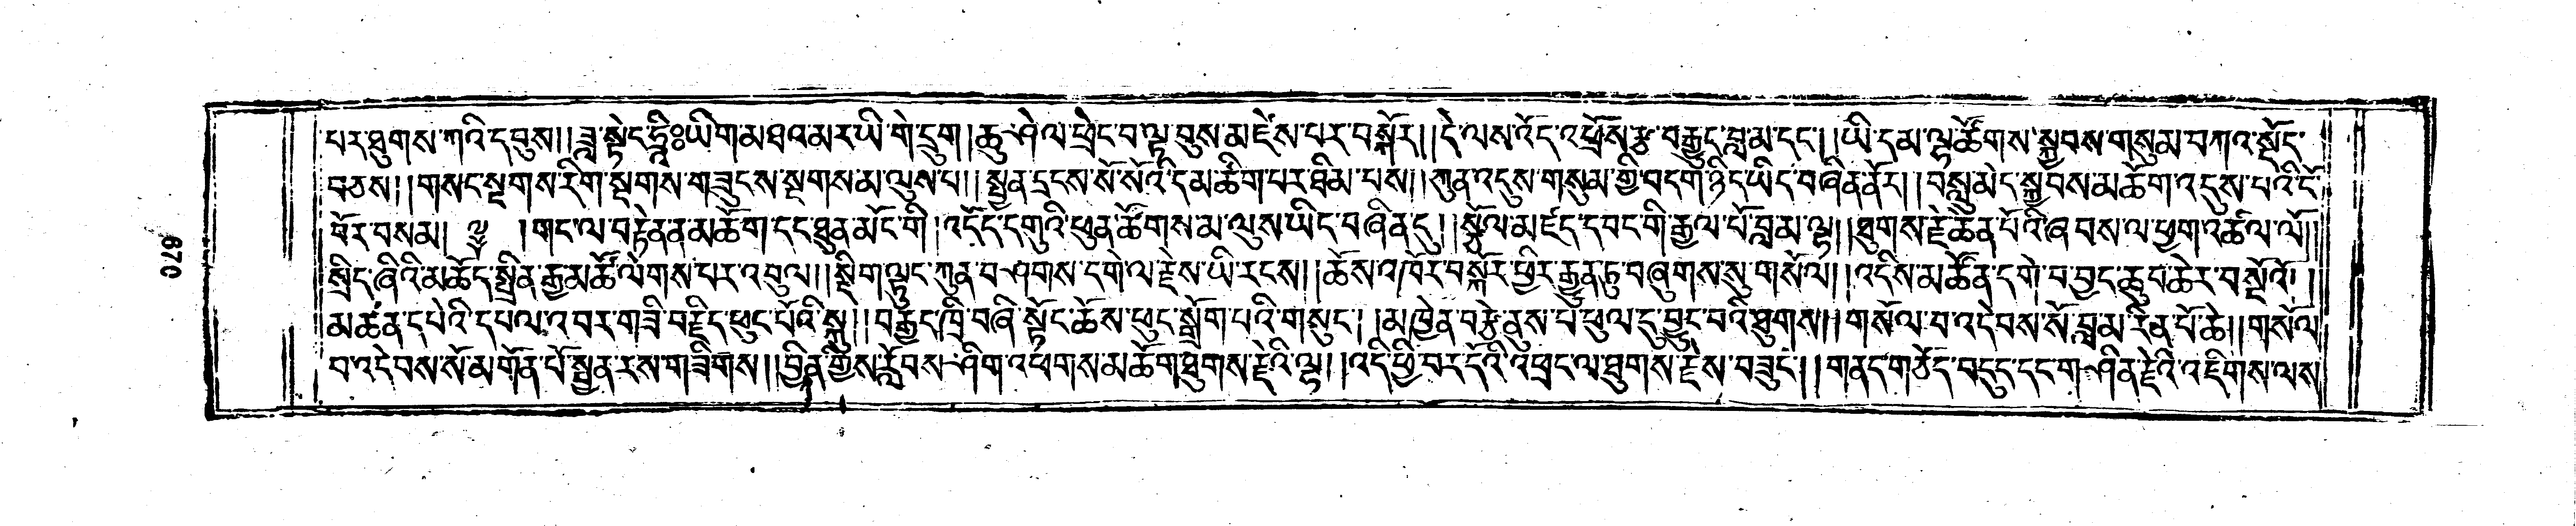པར་ཐུགས་ཀའི་དབུས། །ཟླ་སྟེང་ཧྲཱིཿ ཡིག་མཐའ་མར་ཡི་གེ་དྲུག །ཆུ་ཤེལ་ཕྲེང་བ་ལྟ་བུས་མཛེས་པར་བསྐོར། །དེ་ལས་འོད་འཕྲོས་རྩ་བརྒྱུད་བླ་མ་དང་། །ཡི་དམ་ལྷ་ཚོགས་སྐྱབས་གསུམ་བཀའ་སྡོད་
བཅས། །གསང་སྔགས་རིག་སྔགས་གཟུངས་སྔགས་མ་ལུས་པ། །སྤྱན་དྲངས་སོ་སོའི་དམ་ཚིག་པར་ཐིམ་པས། །ཀུན་འདུས་གསུམ་གྱི་བདག་ཉིད་ཡིད་བཞིན་ནོར། །བསླུ་མེད་སྐྱབས་མཆོག་འདུས་པའི་ངོ་
བོར་བསམ། ༈ །གང་ལ་བརྟེན་ན་མཆོག་དང་ཐུན་མོང་གི །འདོད་དགུའི་ཕུན་ཚོགས་མ་ལུས་ཡིད་བཞིན་དུ། །སྩོལ་མཛད་དབང་གི་རྒྱལ་པོ་བླ་མ་ལྷ། །ཐུགས་རྗེ་ཆེན་པོའི་ཞབས་ལ་ཕྱག་འཚལ་ལོ། །
སྲིད་ཞིའི་མཆོད་སྤྲིན་རྒྱ་མཚོ་ལེགས་པར་འབུལ། །སྡིག་ལྟུང་ཀུན་བཤགས་དགེ་ལ་རྗེས་ཡི་རངས། །ཆོས་འཁོར་བསྐོར་ཕྱིར་རྒྱུན་ཏུ་བཞུགས་སུ་གསོལ། །འདིས་མཚོན་དགེ་བ་བྱང་ཆུབ་ཆེར་བསྔོའོ། །
མཚན་དཔེའི་དཔལ་འབར་གཟི་བརྗིད་ཕུང་པོའི་སྐུ། །བརྒྱད་ཁྲི་བཞི་སྟོང་ཆོས་ཕུང་སྒྲོག་པའི་གསུང་། །མཁྱེན་བརྩེ་ནུས་པ་ཕུལ་དུ་བྱུང་བའི་ཐུགས། །གསོལ་བ་འདེབས་སོ་བླ་མ་རིན་པོ་ཆེ། །གསོལ་
བ་འདེབས་སོ་མགོན་པོ་སྤྱན་རས་གཟིགས། །བྱིན་གྱིས་རློབས་ཤིག་འཕགས་མཆོག་ཐུགས་རྗེའི་ལྷ། །འདི་ཕྱི་བར་དོའི་འཕྲང་ལ་ཐུགས་རྗེས་བཟུང་། །གནད་གཅོད་བདུད་དང་གཤིན་རྗེའི་འཇིགས་ལས་